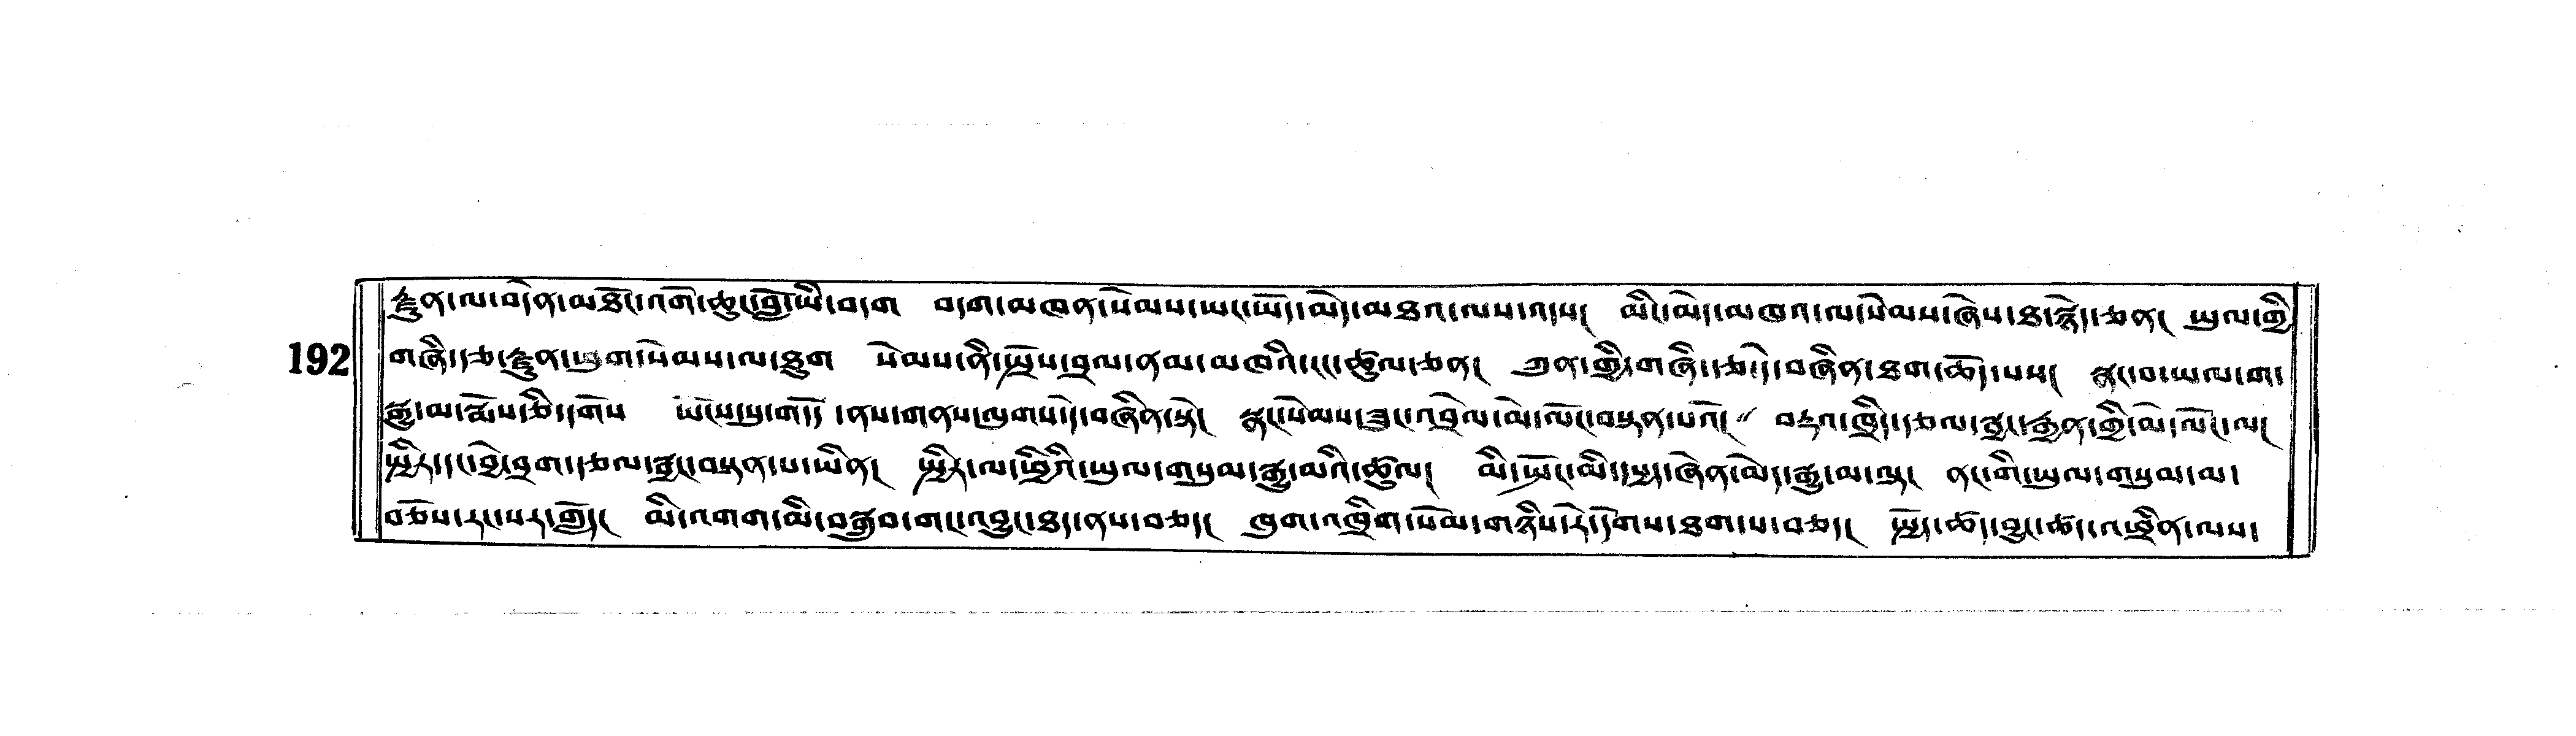རྫུན་ལ་བདེན་མཐོང་འགོ་ཆུང་བློ་ཡི་བདག བདག་མཁན་སེམས་ཡང་ཡོད་མེད་མཐའ་ལས་འདས། མིང་མེད་མཁའ་ལ་སེམས་ཞེས་ཐ་སྙད་ཅན། ཡུལ་གྱི་
གཞི་རྩ་རྫུན་ཕུག་སེམས་ལ་ཐུག སེམས་ནི་སྤྲོས་བྲལ་ནམ་མཁའི་ངང་ཚུལ་ཅན། ཀུན་གྱི་གཞི་རྩ་དེ་བཞིན་ཐག་ཆོད་པས། སྣང་བ་ཡལ་ག་
སྒྱུ་མ་སྨོས་ཅི་དགོས། ཡོངས་སུ་གདོད་ནས་གནས་ལུགས་དེ་བཞིན་སྟེ། སྣང་སེམས་ཟུང་འབྲེལ་མེ་ལོང་བསྟན་པའོ། ༧ བརྡ་ཁྲིད་རྩལ་སྦྱང་རྒྱན་གྱི་མེ་ལོང་ལ། 
སྤྱི་དང་བྱེ་བྲག་རྩལ་སྦྱང་བསྟན་པ་ཡིན། སྤྱིར་ལ་ཕྱི་ཡི་ཡུལ་གསུམ་སྒྱུ་མའི་ཚུལ། མི་སྤོང་མི་དཔྱད་ཞེན་མེད་སྒྱུ་མ་ལྟ། ནང་གི་ཡུལ་གསུམ་མ་
བཅོས་རང་སར་གློད། མི་འགག་མི་བསྒྲུབ་གང་འབྱུང་ཐད་ནས་བཅད། ཁུ་འཕྲིག་སོམས་ཉིའི་རེ་དྭོགས་ཐག་པ་བཅད། སྤྱོད་ཚད་བྱུང་ཚད་འཕྲིན་ལས་